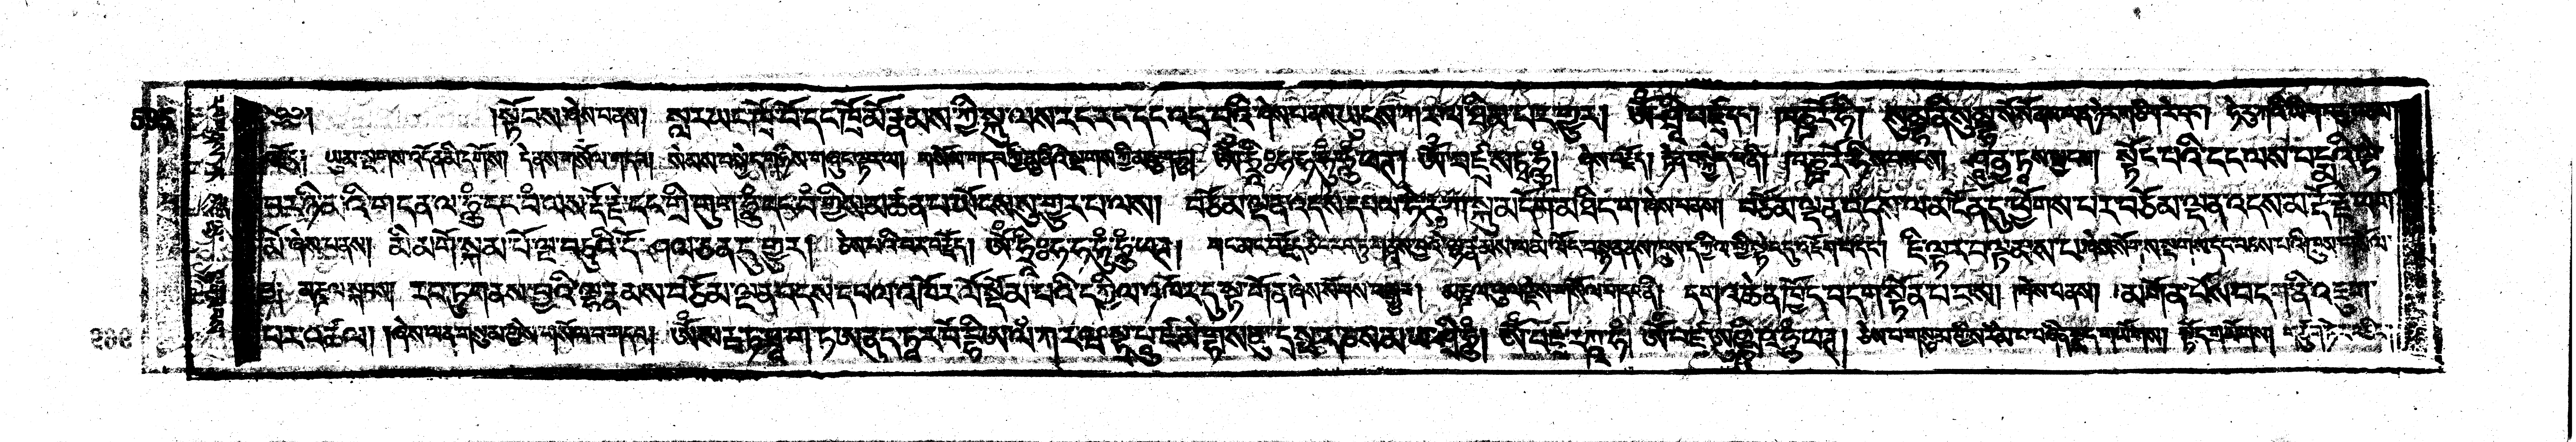༄༅། །སྟོབས་ཞེས་པ་ནས།  སླར་ཡང་ཁྲོ་བོ་དང་ཁྲོ་མོ་རྣམས་ཀྱི་སྐུ་ལས་རང་རང་དང་འདྲ་བའི་ཞེས་པ་ནས་ཡུངས་ཀར་ལ་ཐིམ་པར་གྱུར། ཨོཾ་ཤྲཱི་བཛྲ་དང་།  ཁཎྜ་རོ་ཧི། སུམྦྷ་ནི་སུམྦྷ་སོ་སོ་ནས་ལན་ཉེར་གཅིག་རེ་དང་། ཧེ་རུ་ཀའི་ཡིག་བརྒྱ་བཅས་
བརྗོད༑ ཡུམ་སྔགས་འདོན་མི་དགོས། དེ་ནས་གསོལ་གདབ། སེམས་བསྐྱེད་གཉིས་གཞུང་ལྟར་ལ། གསོལ་གདབ་ཀྱི་མུ་ནིའི་སྔགས་ཀྱི་མཇུག་ཏུ། ཨོཾ་ཧྲཱིཿཧ་ཧ་ཧཱུཾ་ཧཱུཾ་ཕཊ། ཨོཾ་བཛྲ་སཏྭ་ཧཱུཾ། ཞེས་བརྗོད། རྟེན་བསྐྱེད་པ་ནི།  ཁཎྜ་རོ་ཧི་ས་བསངས།  ཤཱུ་ནྱ་ཏཱས་སྦྱངས།  སྟོང་པའི་ངང་ལས་པདམའི་ལྟེ་
བར་ཉི་མའི་གདན་ལ་ཧཱུཾ་དང་བཾ་ལས་རྡོ་རྗེ་དང་གྲི་གུག་ཧཱུཾ་དང་བཾ་གྱིས་མཚན་པ་ཡོངས་སུ་གྱུར་པ་ལས། བཅོམ་ལྡན་འདས་དཔལ་ཧེ་རུ་ཀ་སྐུ་མདོག་མཐིང་གཞེས་པ་ནས།  བཅོམ་ལྡན་འདས་ལ་མངོན་དུ་ཕྱོགས་པར་བཅོམ་ལྡན་འདས་མདོ་རྗེ་ཕག་
མོ་ཞེས་པ་ནས། མི་མགོ་སྐམ་པོ་ལྔ་བཅུའི་དོ་ཤལ་ཅན་དུ་གྱུར། ཅེས་པའི་བར་བརྗོད།  ཨོཾ་ཧྲཱིཿཧ་ཧ་ཧཱུཾ་ཧཱུཾ་ཕཊ། གང་མང་བརྗོད་ཅིང་རབ་ཏུ་གནས་བྱའི་ལྷ་རྣམས་ལ་མེ་ལོང་བསྟན་ནས་ཁྲུས་དཀྱིལ་གྱི་སྟེང་དུ་འཇོག་པ་དང་། ཇི་ལྟར་བལྟམས་པ་ཞེས་སོགས་སྔགས་དང་བཅས་པའི་ཁྲུས་གསོལ་
བྱ༑ མཎྜལ་སྐབས། རབ་ཏུ་གནས་བྱའི་ལྷ་རྣམས་བཅོམ་ལྡན་འདས་དཔལ་འཁོར་ལོ་སྡོམ་པའི་དཀྱིལ་འཁོར་དུ་སྟ་གོན་ཞེས་སོགས་བསྒྱུར། མཎྜལ་ཕུལ་རྗེས་གསོལ་གདབ་ནི། དགའ་ཆེན་ཁྱོད་བདག་སྟོན་པ་བས། །ཞེས་པ་ནས།  མགོན་པོས་བདག་ནི་འཇུག་
པར་འཚལ། །ཞེས་ལན་གསུམ་གྱིས་གསོལ་བ་གདབ།  ཨོཾ་སརྦ་ཏ་ཐཱ་ག་ཏ་ཨ་ནུད་ཏཱ་ར་བོ་དྷི་ཨ་ལཾ་ཀ་ར་ཝ་སྟྲ་པཱུ་ཛ་མེ་གྷ་ས་མུ་དྲ་སྥ་ར་ཎ་ས་མ་ཡ་ཤྲི་ཧཱུཾ། ཨོཾ་བཛྲ་རཀྵ་ཧཾ། ཨོཾ་བཛྲ་ཨུ་ཥྞཱི་ཥ་ཧཱུཾ་ཕཊ། ཅེས་པ་གསུམ་གྱིས་རིམ་པ་བཞིན་སྨད་གཡོགས། སྟོད་གཡོགས། གཙུག་ཏོར་བཅིང་།